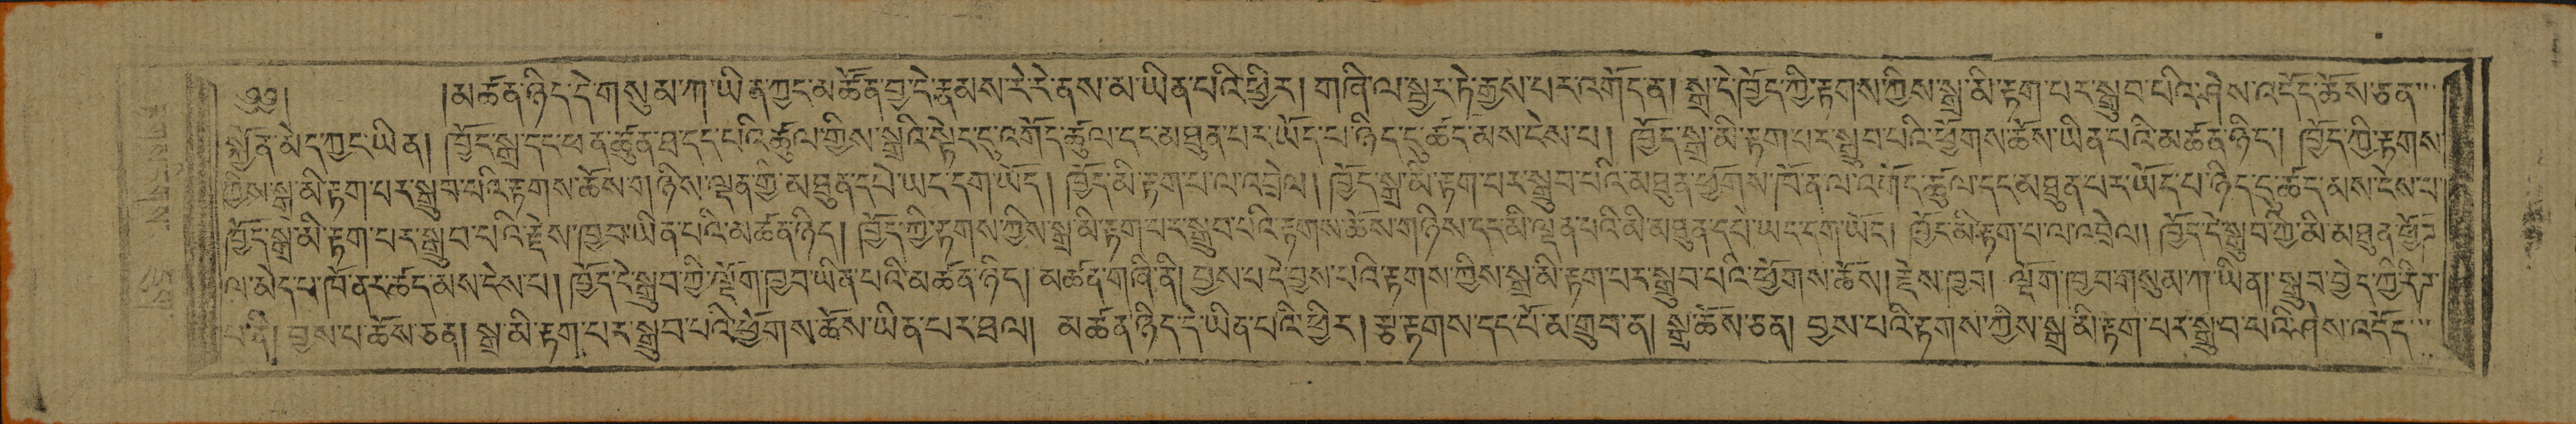༄༅། །མཚན་ཉིད་དེ་གསུམ་ཀ་ཡིན་ཀྱང་མཚོན་བྱ་དེ་རྣམས་རེ་རེ་ནས་མ་ཡིན་པའི་ཕྱིར། གཞི་ལ་སྦྱར་ཏེ་རྒྱས་པར་འགོད་ན། སྒྲ་དེ་ཁྱོད་ཀྱི་རྟགས་ཀྱིས་སྒྲ་མི་རྟག་པར་སྒྲུབ་པའི་ཤེས་འདོད་ཆོས་ཅན་
སྐྱོན་མེད་ཀྱང་ཡིན། ཁྱོད་སྒྲ་དང་ཕན་ཚུན་ཐ་དད་པའི་ཚུལ་གྱིས་སྒྲའི་སྟེང་དུ་འགོད་ཚུལ་དང་མཐུན་པར་ཡོད་པ་ཉིད་དུ་ཚད་མས་ངེས་པ། ཁྱོད་སྒྲ་མི་རྟག་པར་སྒྲུབ་པའི་ཕྱོགས་ཆོས་ཡིན་པའི་མཚན་ཉིད། ཁྱོད་ཀྱི་རྟགས་
ཀྱིས་སྒྲ་མི་རྟག་པར་སྒྲུབ་པའི་རྟགས་ཆོས་གཉིས་ལྡན་གྱི་མཐུན་དཔེ་ཡང་དག་ཡོད། ཁྱོད་མི་རྟག་པ་ལ་འབྲེལ། ཁྱོད་སྒྲ་མི་རྟག་པར་སྒྲུབ་པའི་མཐུན་ཕྱོགས་ཁོ་ན་ལ་འགོད་ཚུལ་དང་མཐུན་པར་ཡོད་པ་ཉིད་དུ་ཚད་མས་ངེས་པ་
ཁྱོད་སྒྲ་མི་རྟག་པར་སྒྲུབ་པའི་རྗེས་ཁྱབ་ཡིན་པའི་མཚན་ཉིད། ཁྱོད་ཀྱི་རྟགས་ཀྱིས་སྒྲ་མི་རྟག་པར་སྒྲུབ་པའི་རྟགས་ཆོས་གཉིས་དང་ལྡན་པའི་མི་མཐུན་དཔེ་ཡང་དག་ཡོད། ཁྱོད་མི་རྟག་པ་ལ་འབྲེལ། ཁྱོད་དེ་སྒྲུབ་ཀྱི་མི་མཐུན་ཕྱོགས་
ལ་མེད་པ་ཁོ་ནར་ཚད་མས་ངེས་པ། ཁྱོད་དེ་སྒྲུབ་ཀྱི་ལྡོག་ཁྱབ་ཡིན་པའི་མཚན་ཉིད། མཚན་གཞི་ནི། བྱས་པ་དེ་བྱས་པའི་རྟགས་ཀྱིས་སྒྲ་མི་རྟག་པར་སྒྲུབ་པའི་ཕྱོགས་ཆོས། རྗེས་ཁྱབ། ལྡོག་ཁྱབ་གསུམ་ཀ་ཡིན། སྒྲུབ་བྱེད་ཀྱི་རིགས་
པ་ནི། བྱས་པ་ཆོས་ཅན། སྒྲ་མི་རྟག་པར་སྒྲུབ་པའི་ཕྱོགས་ཆོས་ཡིན་པར་ཐལ། མཚན་ཉིད་དེ་ཡིན་པའི་ཕྱིར། རྩ་རྟགས་དང་པོ་མ་གྲུབ་ན། སྒྲ་ཆོས་ཅན། བྱས་པའི་རྟགས་ཀྱིས་སྒྲ་མི་རྟག་པར་སྒྲུབ་པའི་ཤེས་འདོད་